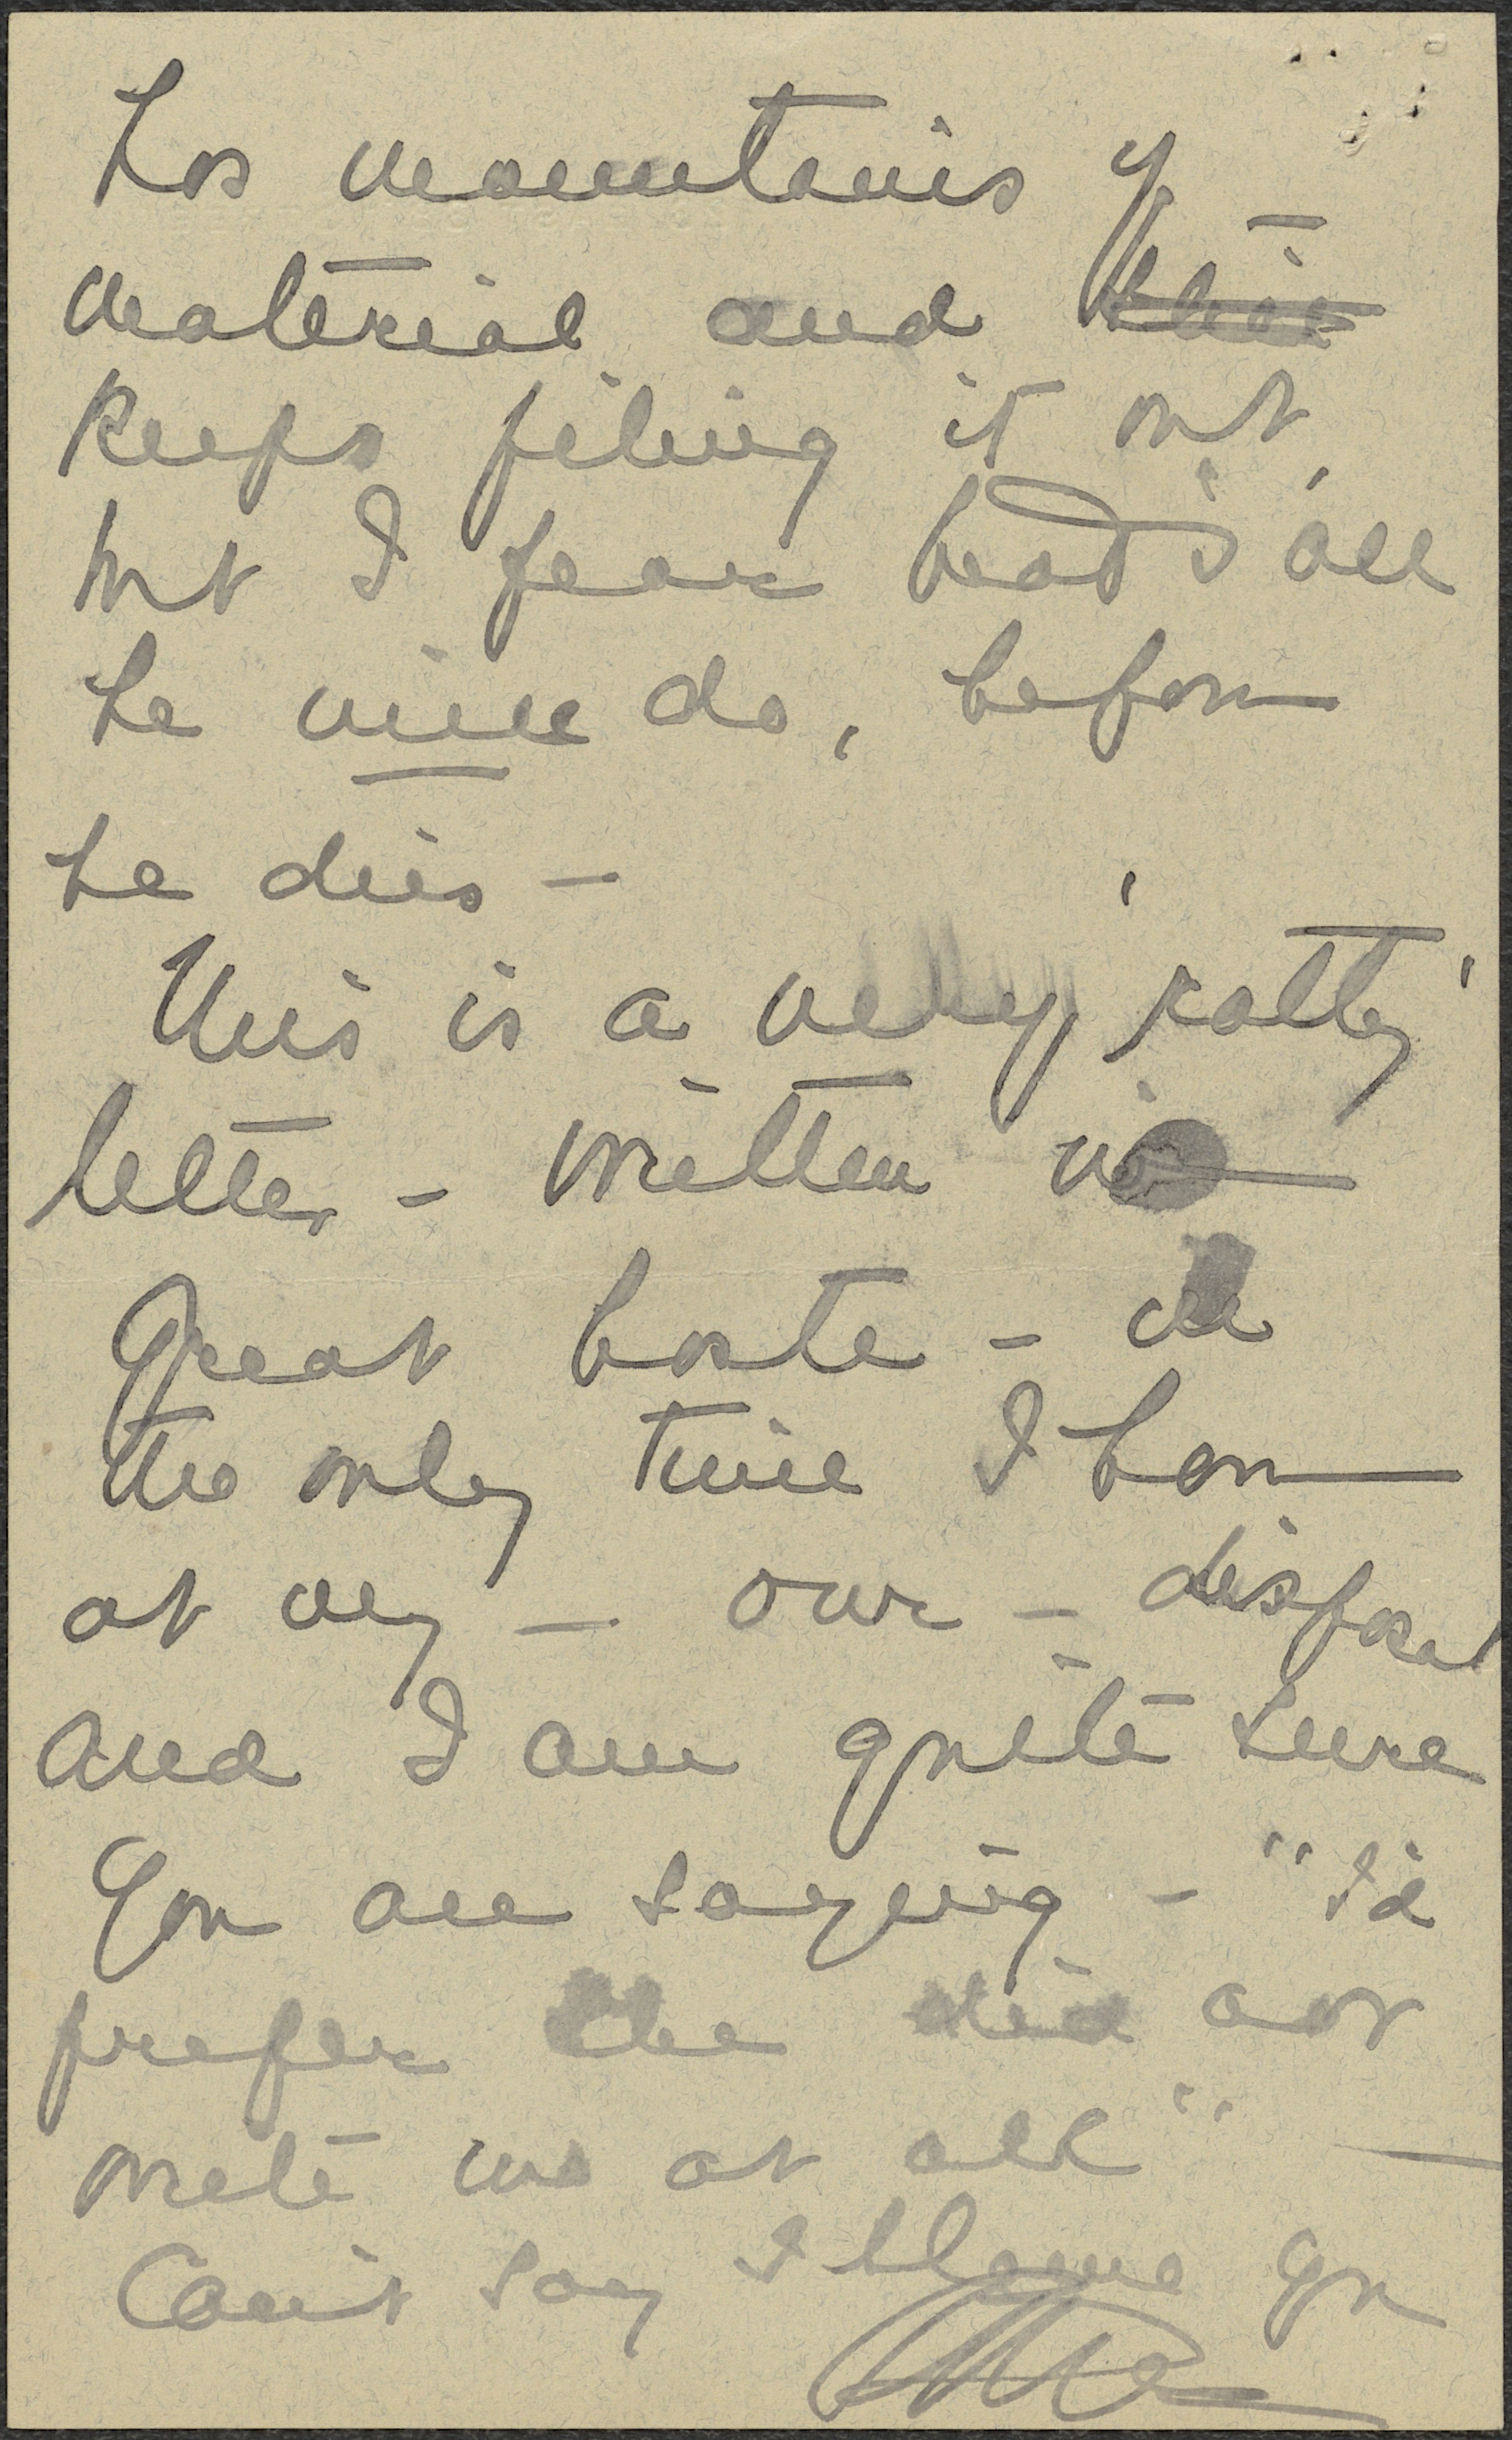has mountains of material and still keeps piling it out but I fear that all he will do, before he dies –
This is a very ‘ratty’ letter – written in great haste – in the only time I have at my – our – disposal and I am quite sure you are saying – “I’d prefer she did not write me at all” – can’t say I blame you
Belle